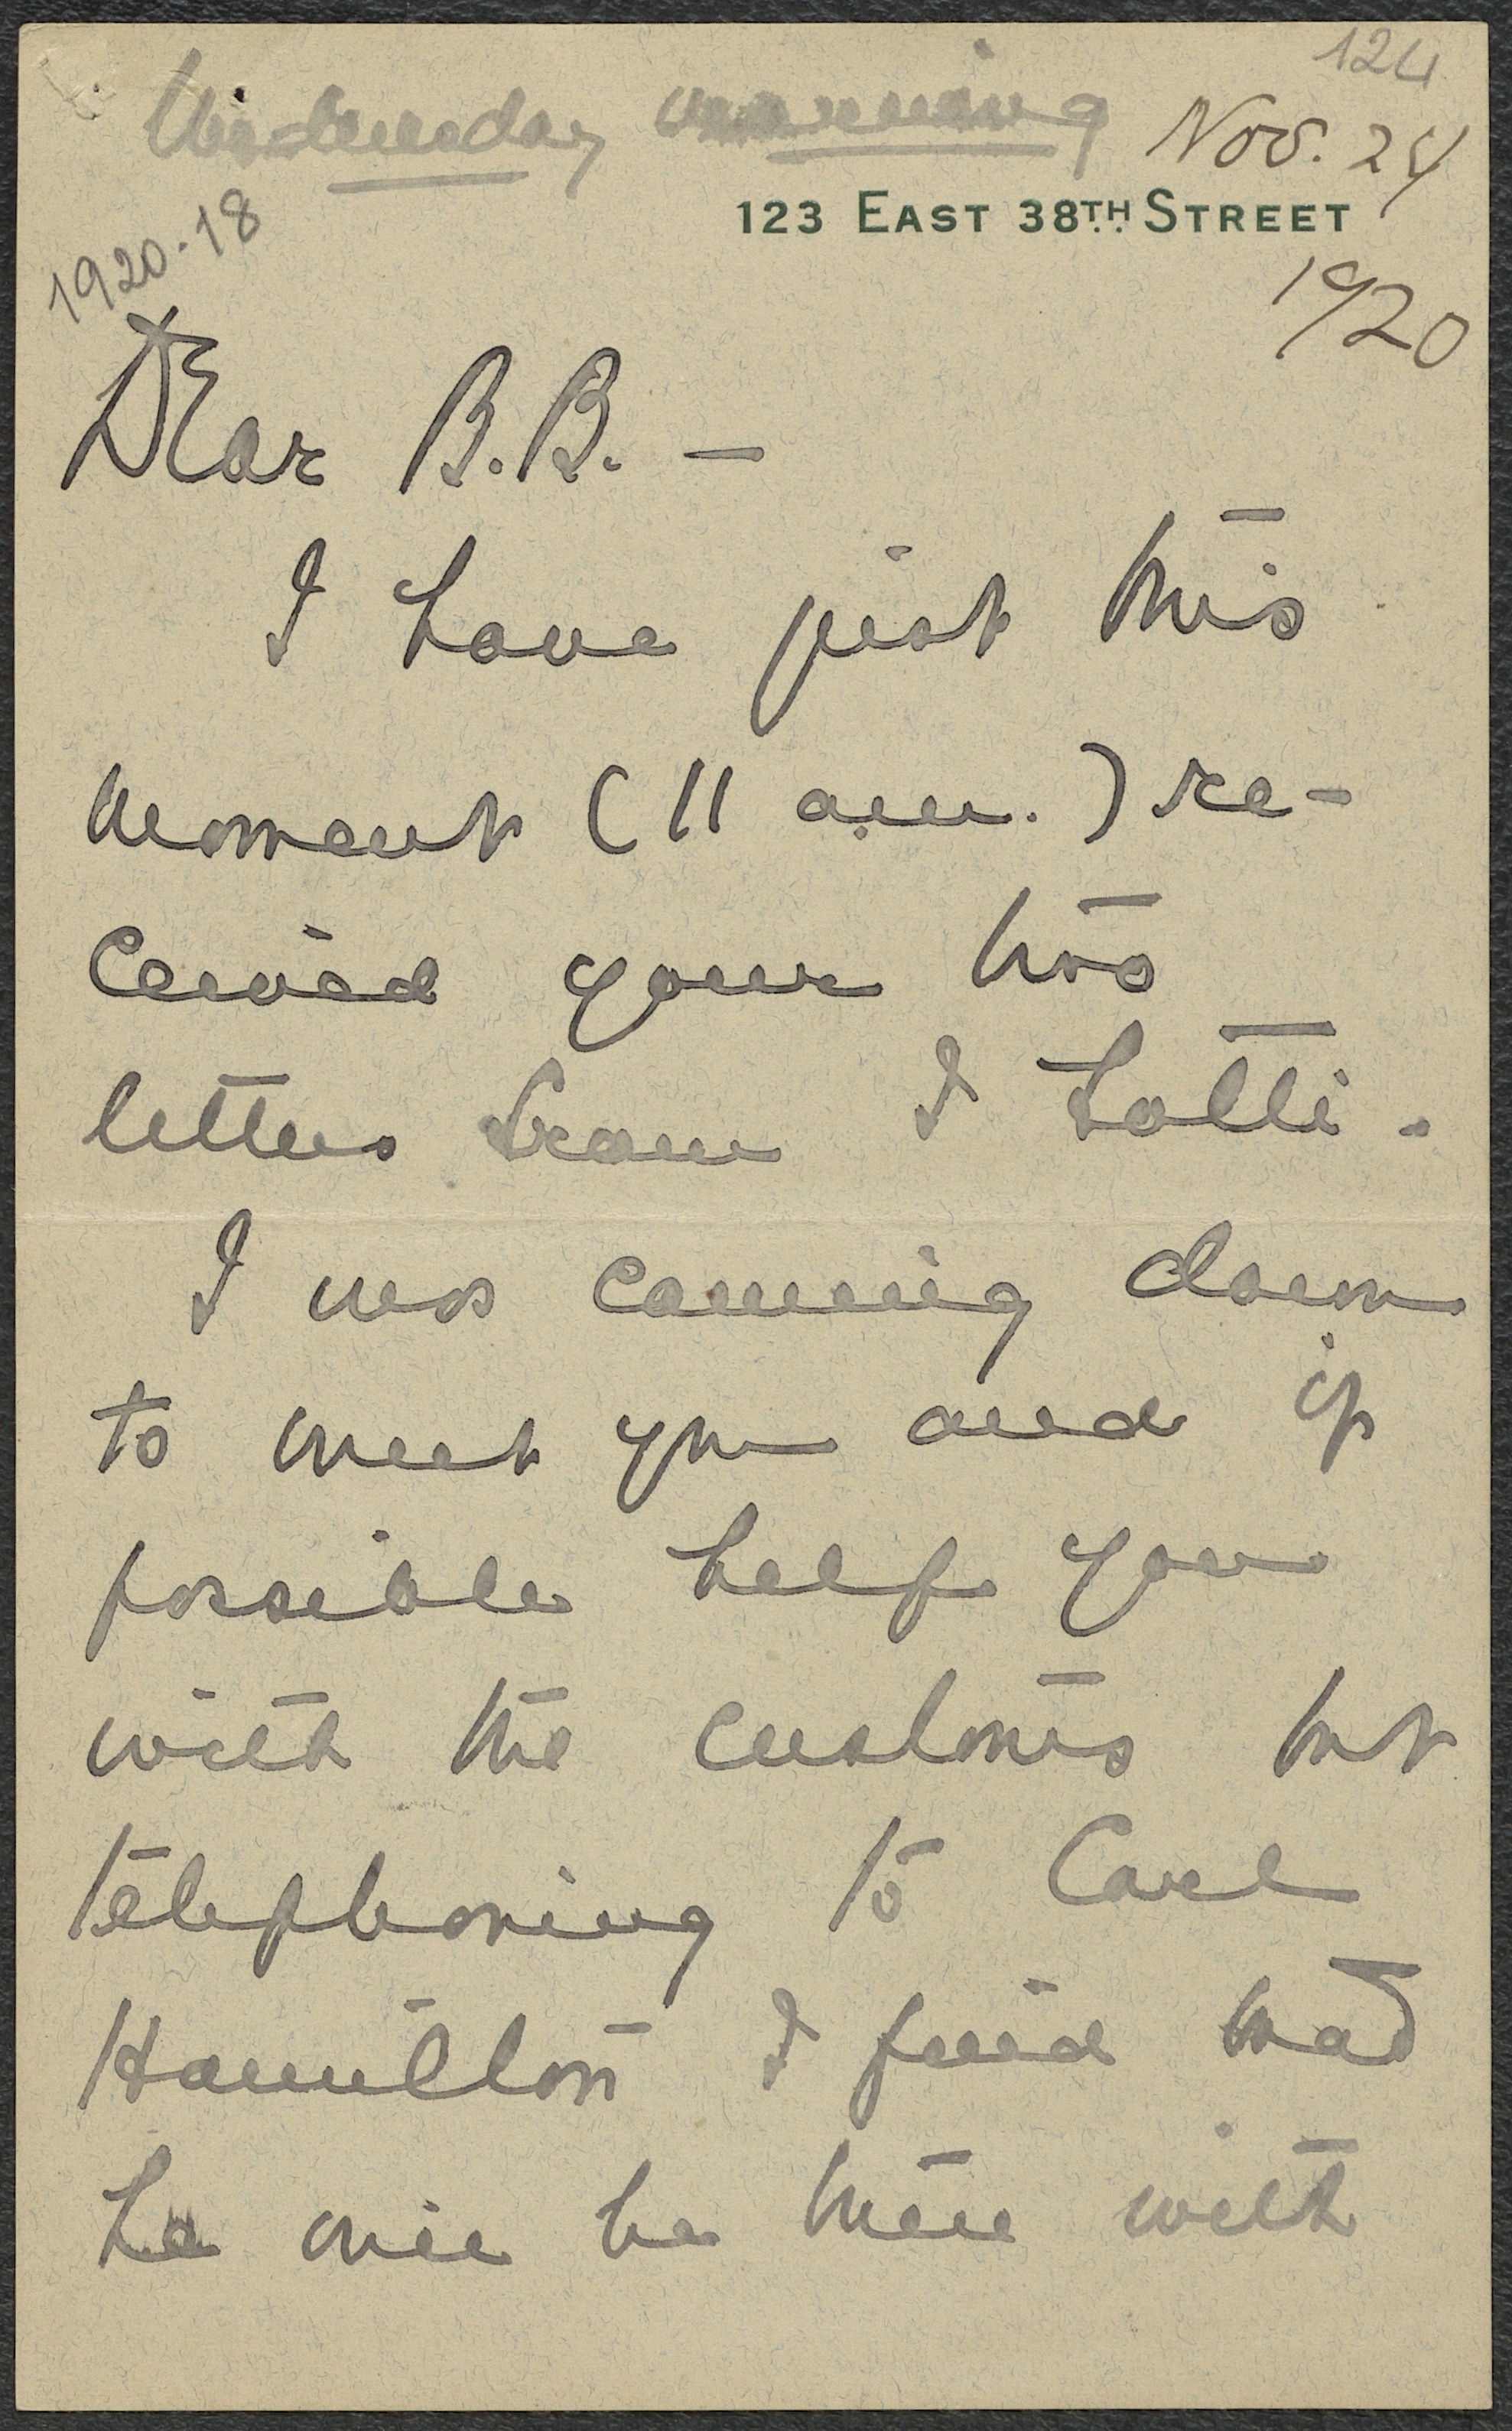Wednesday morning [in different color ink: Nov. 24 1920]
Dear B.B. –
I have just this moment (11a.m.) received your two letters from I Tatti.
I was coming down to meet you and if possible help you with the customs but telephoning to Carl Hamilton I find that he will be there with